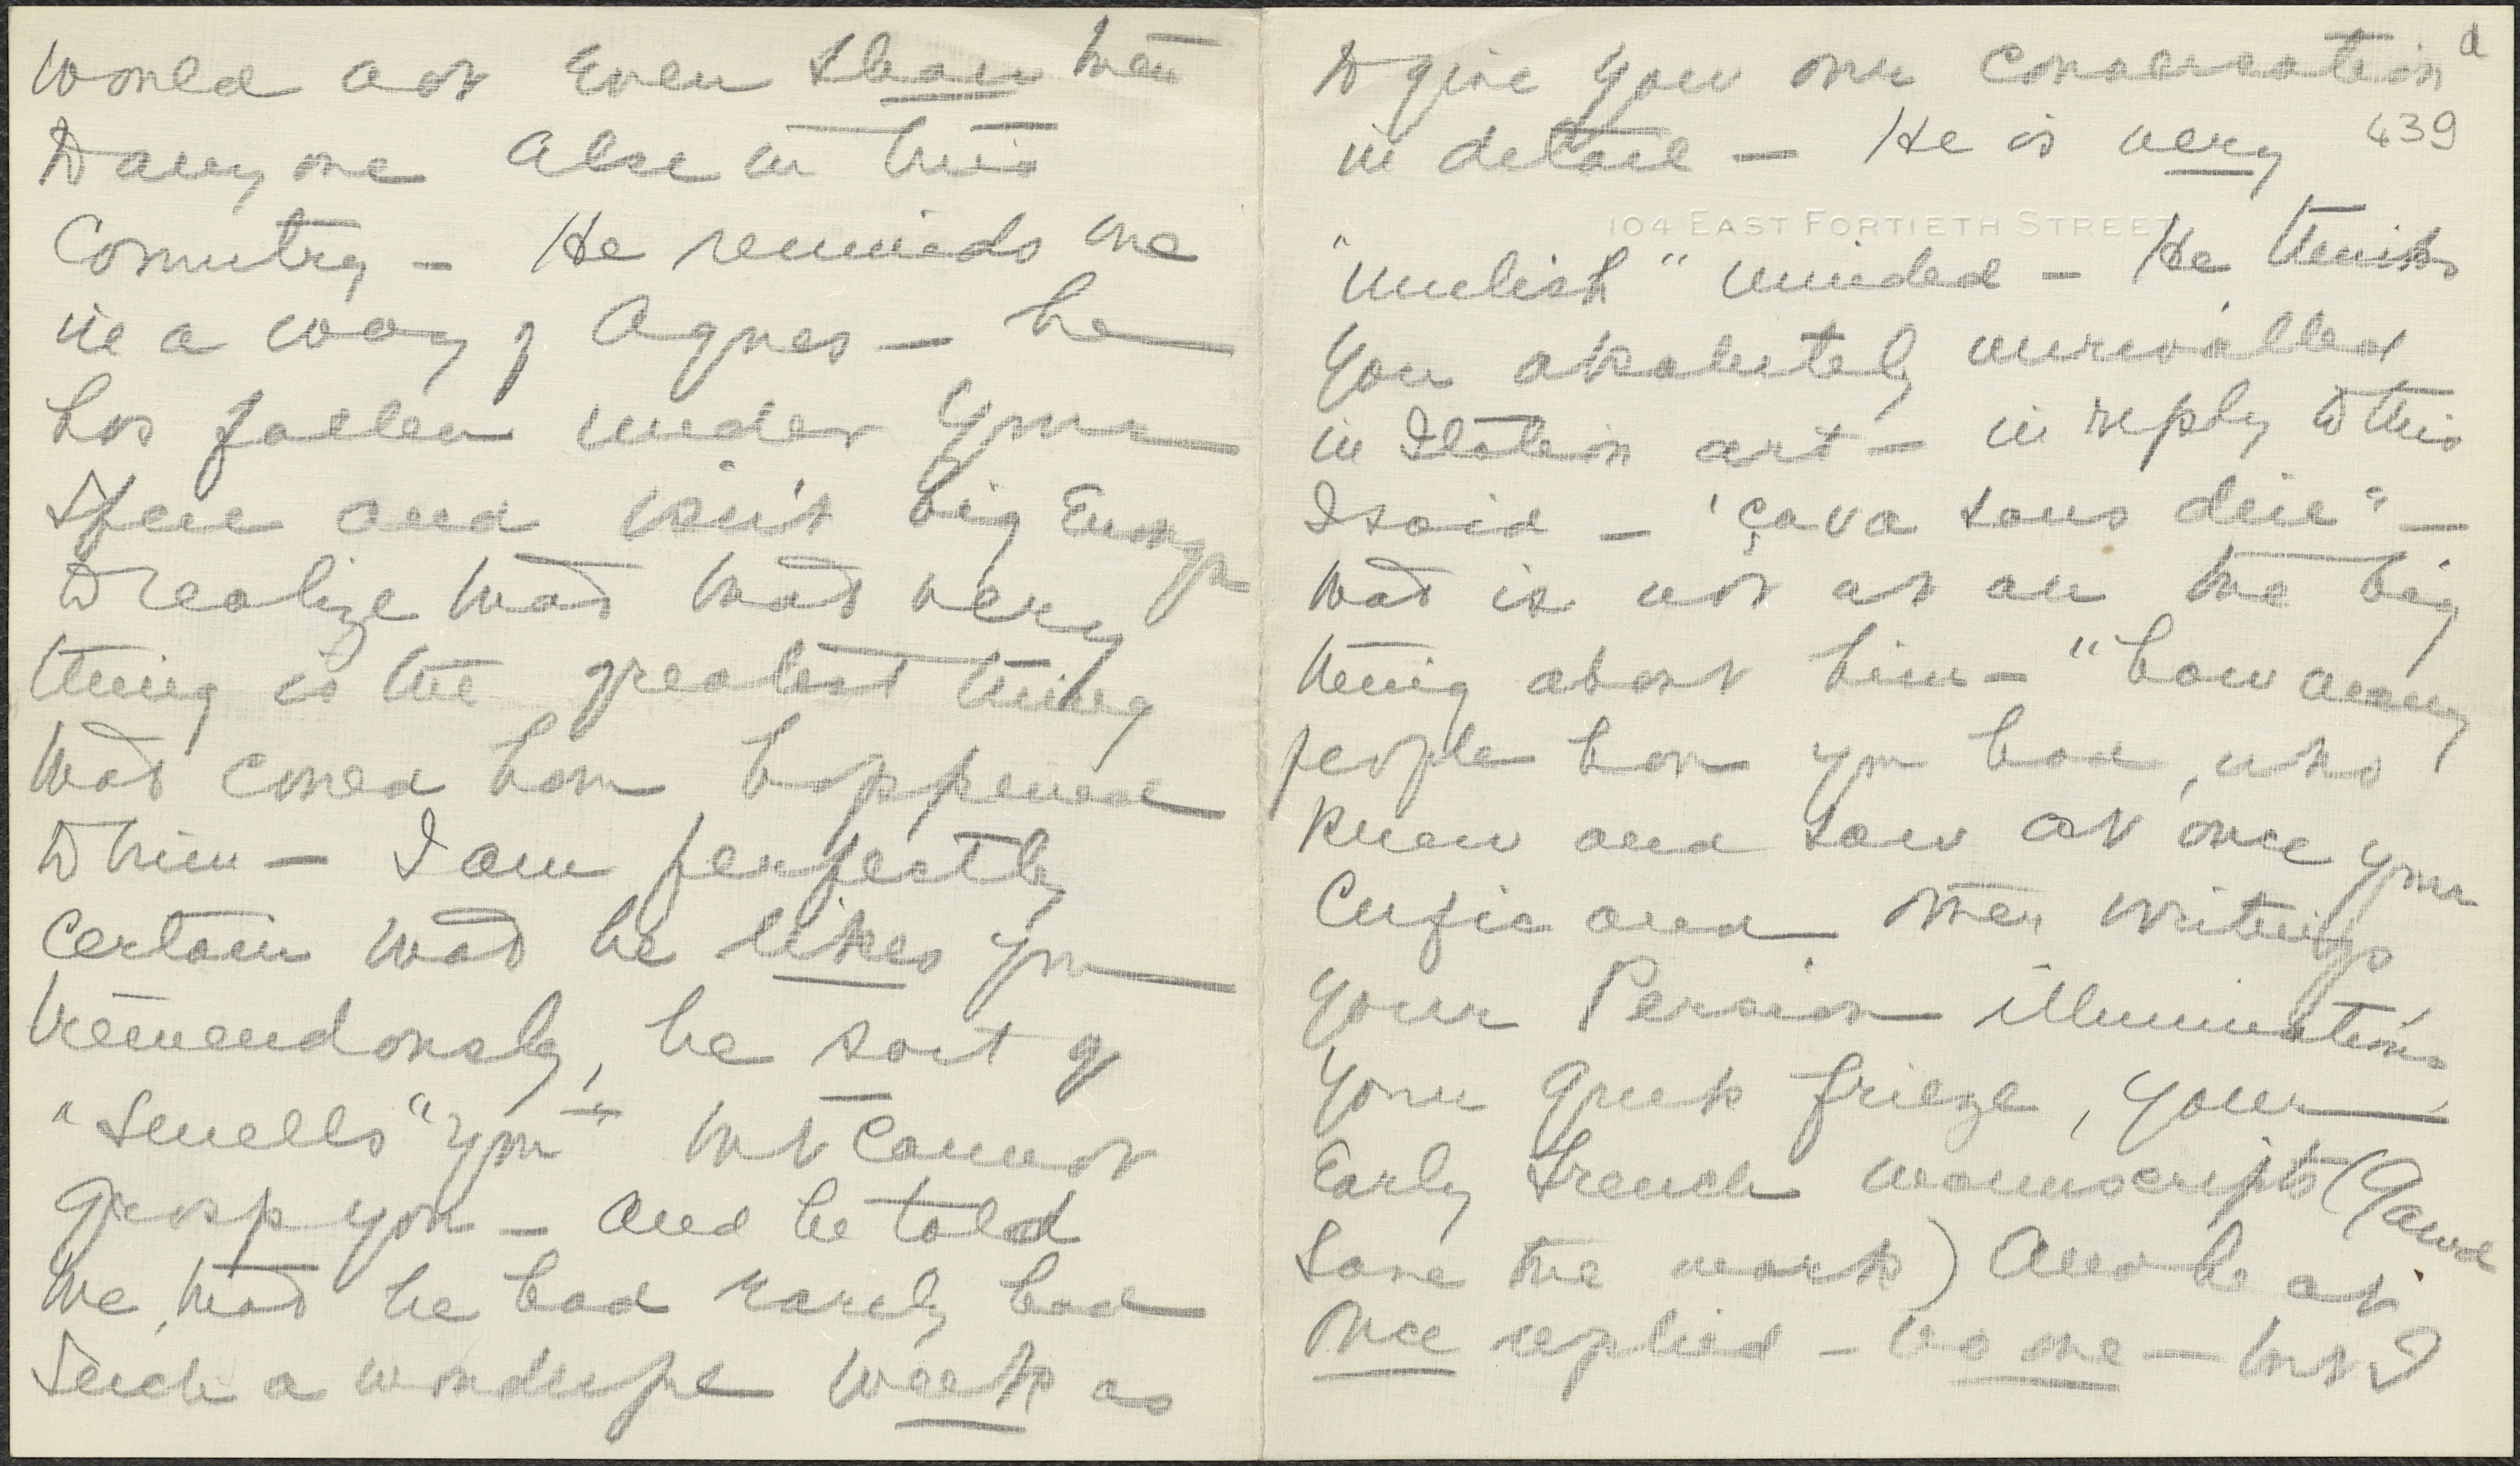to give you our conversation in detail – He is very “unclish” minded – He thinks you absolutely unrivalled in Italian art – in reply to this I said – “ça va sans dire” – that is not at all the big thing about him – “how many people have you had, who knew and saw at once your Cufic and other writings, your Persian illuminations, your greek frieze, your Early French manuscripts (gawd save the work) And he at once replied – no one – but I
would not even show them to anyone else in this country – He reminds me in a way of Agnes – he has fallen under your spell and isn’t big enough to realize that that very thing is the greatest thing that could have happened to him – I am perfectly certain that he likes you tremendously, he sort of “smells” you “ but cannot grasp you – and he told me that he had rarely had such a wonderful week as